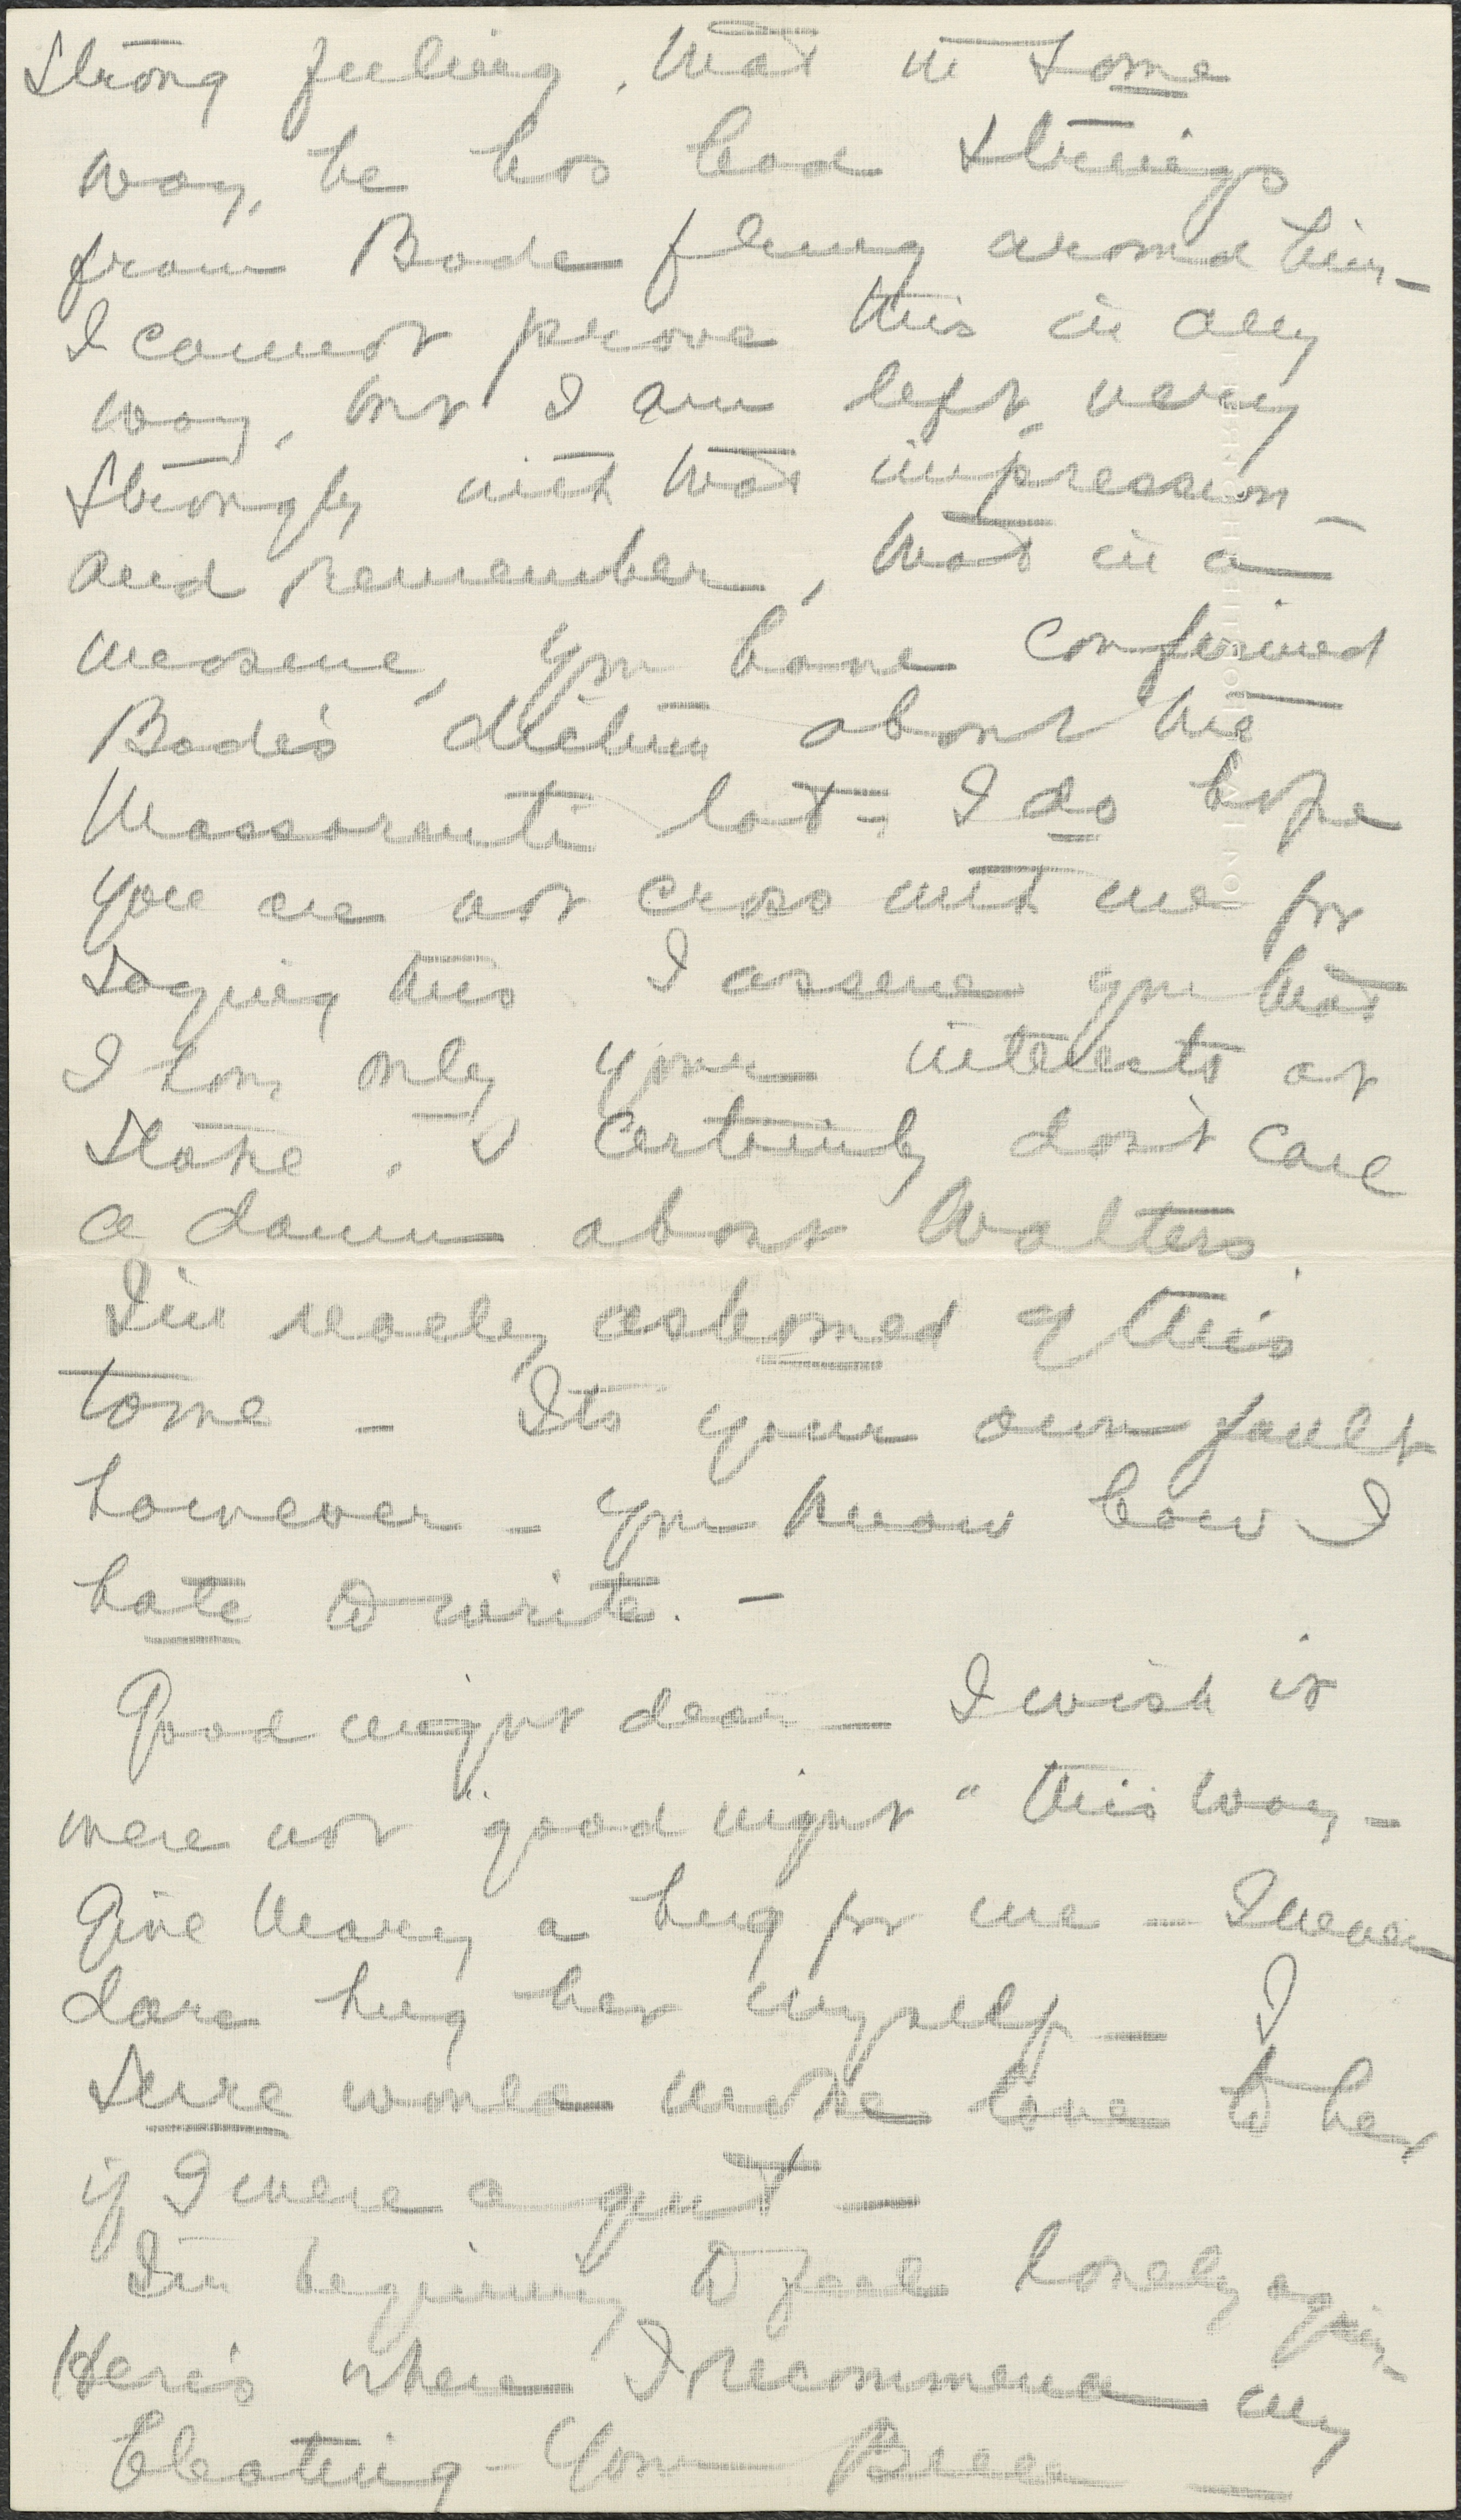strong feeling that in some way, he has had strings from Bode flung around him – I cannot prove this in any way, but I am left, very strongly, with that impression – and remember, that in a measure, you have confirmed Bode’s dictum about the Massaranti lot – I do hope you are not cross with me for saying this. I assure you that I have only your interests at stake. I certainly don’t care a damn about Walters. I’m really ashamed of this tome – It’s your own fault however – you know how I hate to write. –
Good night dear – I wish it were not “good night” this way – Give Mary a hug for me – I never dare hug her myself – I sure would make love to her if I were a gent –
I’m beginning to feel lonely again – Here’s where I recommence my bleating – Your Belle –